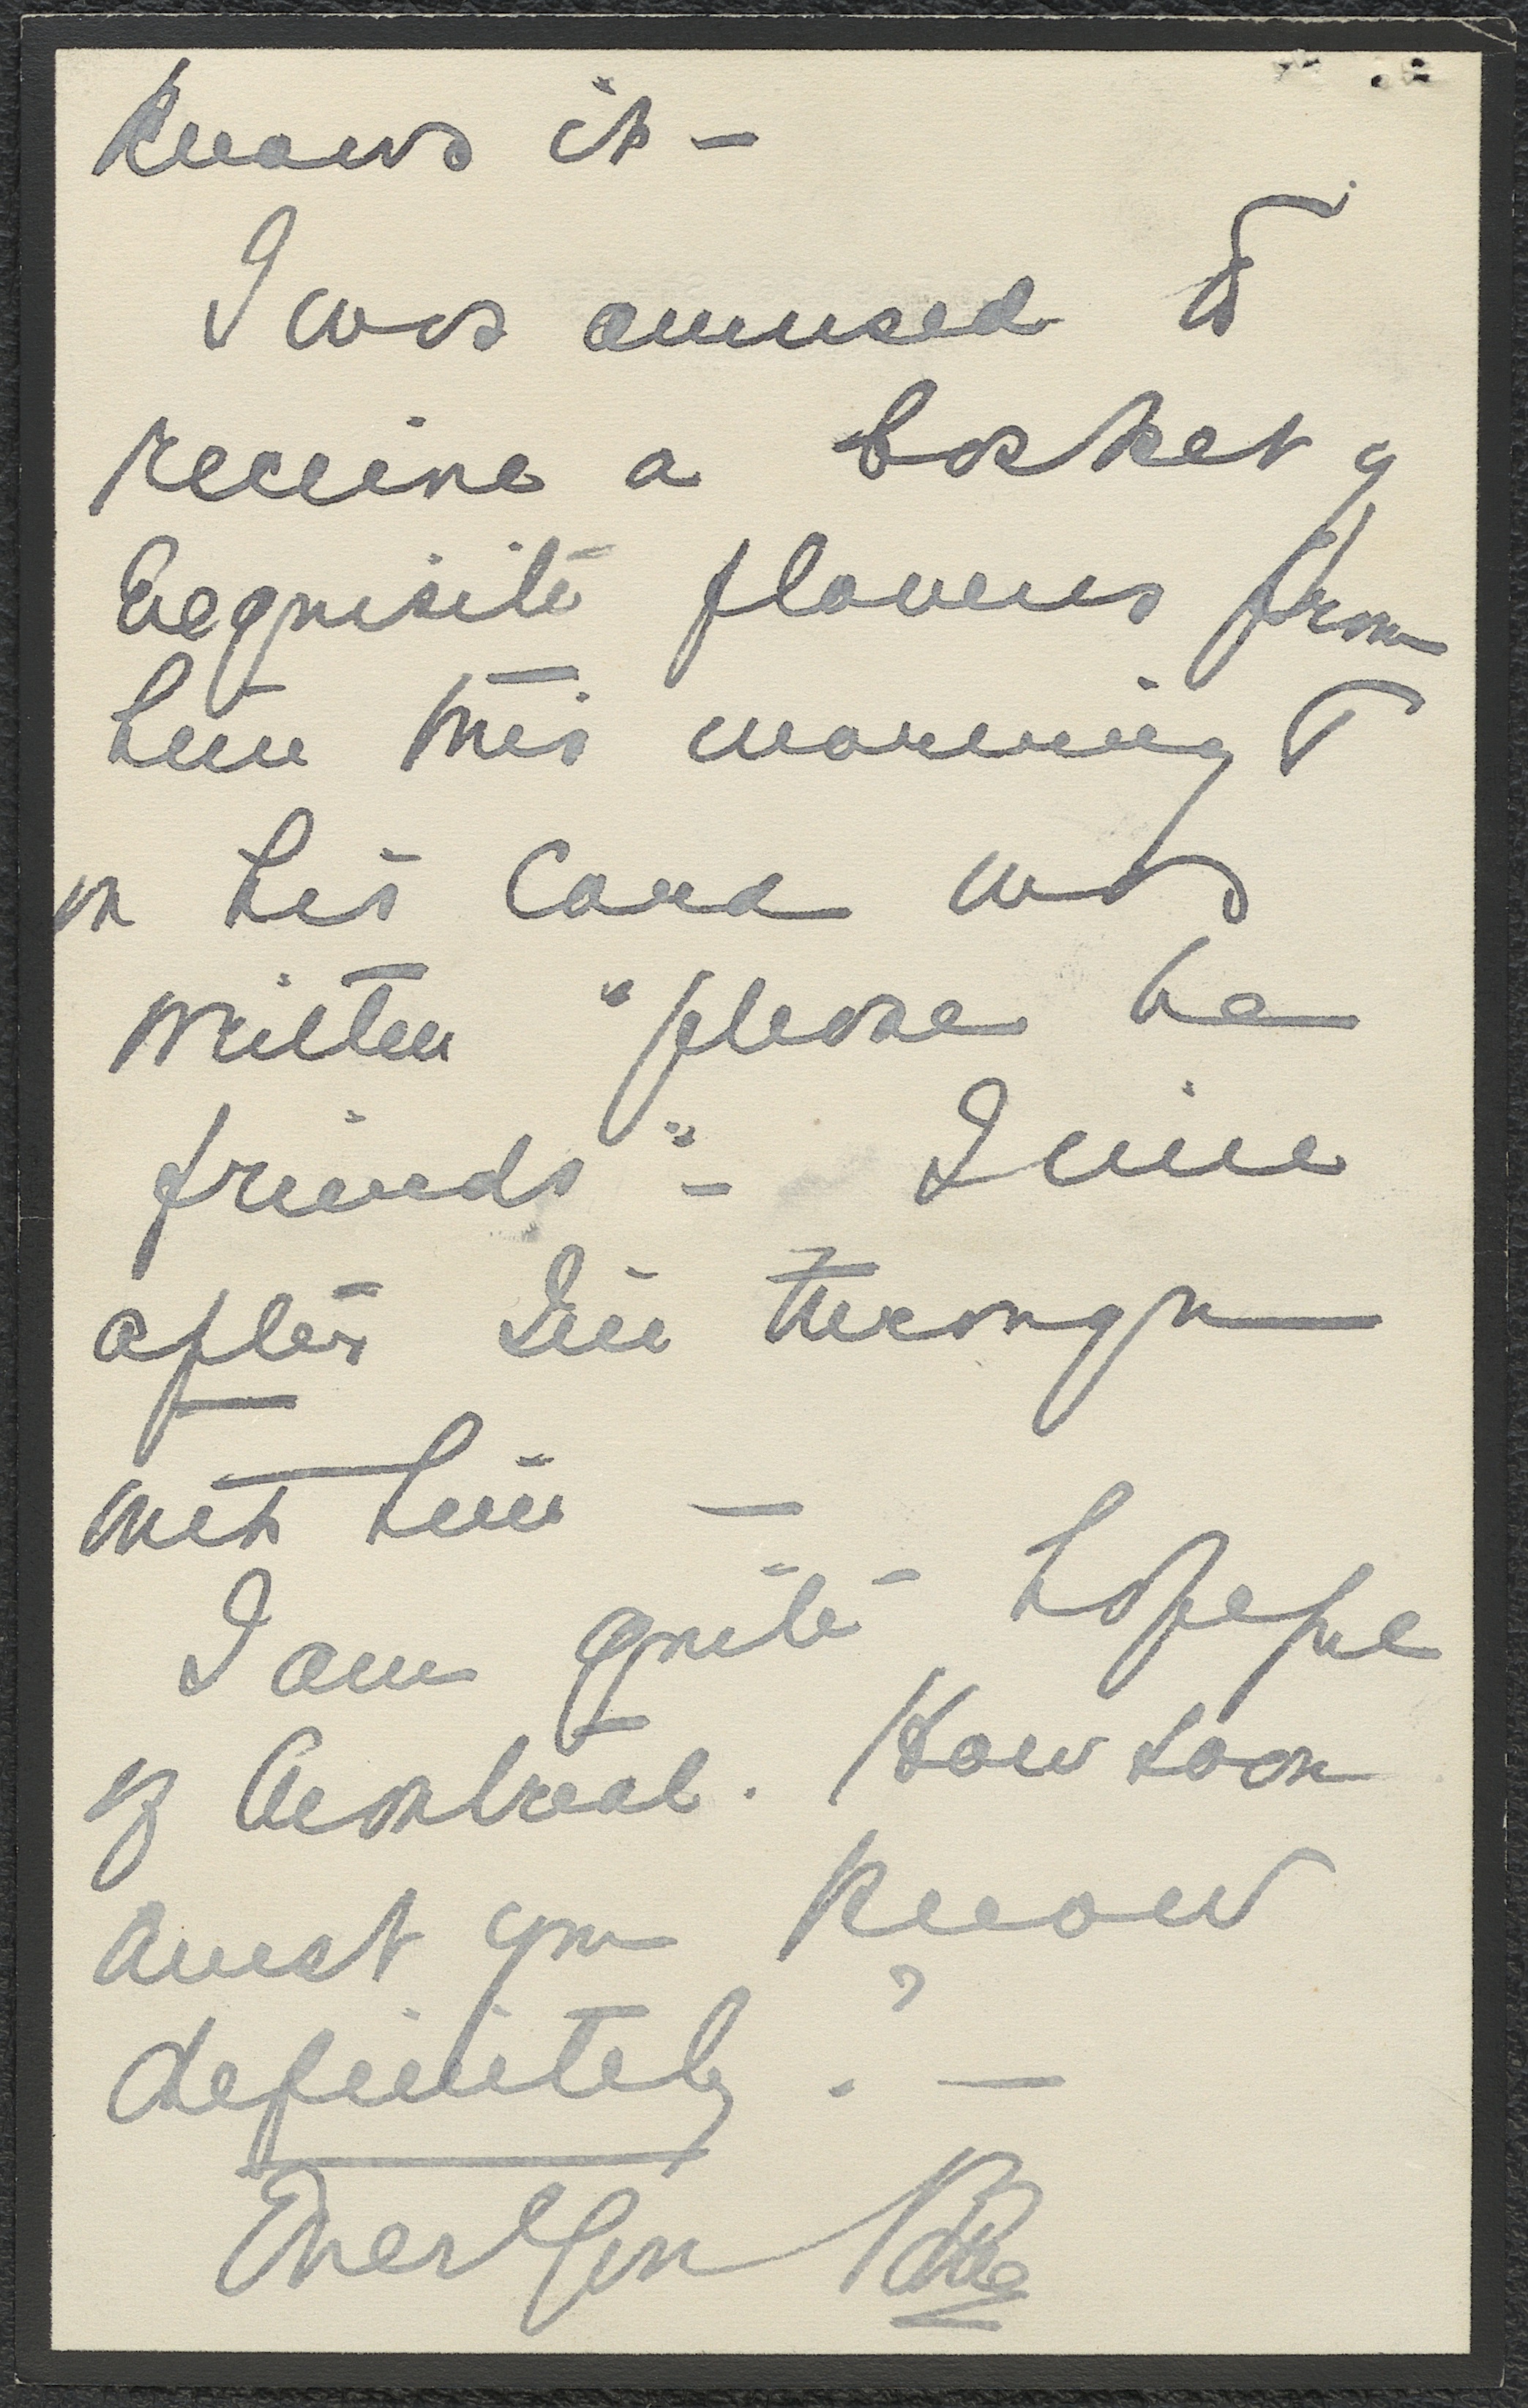knows it –
I was amused to receive a basket of exquisite flowers from him this morning & on his card was written “please be friends” – I will after I’m through with him –
I am quite hopeful of Montreal. How soon must you know definitely? –
Ever Your Belle